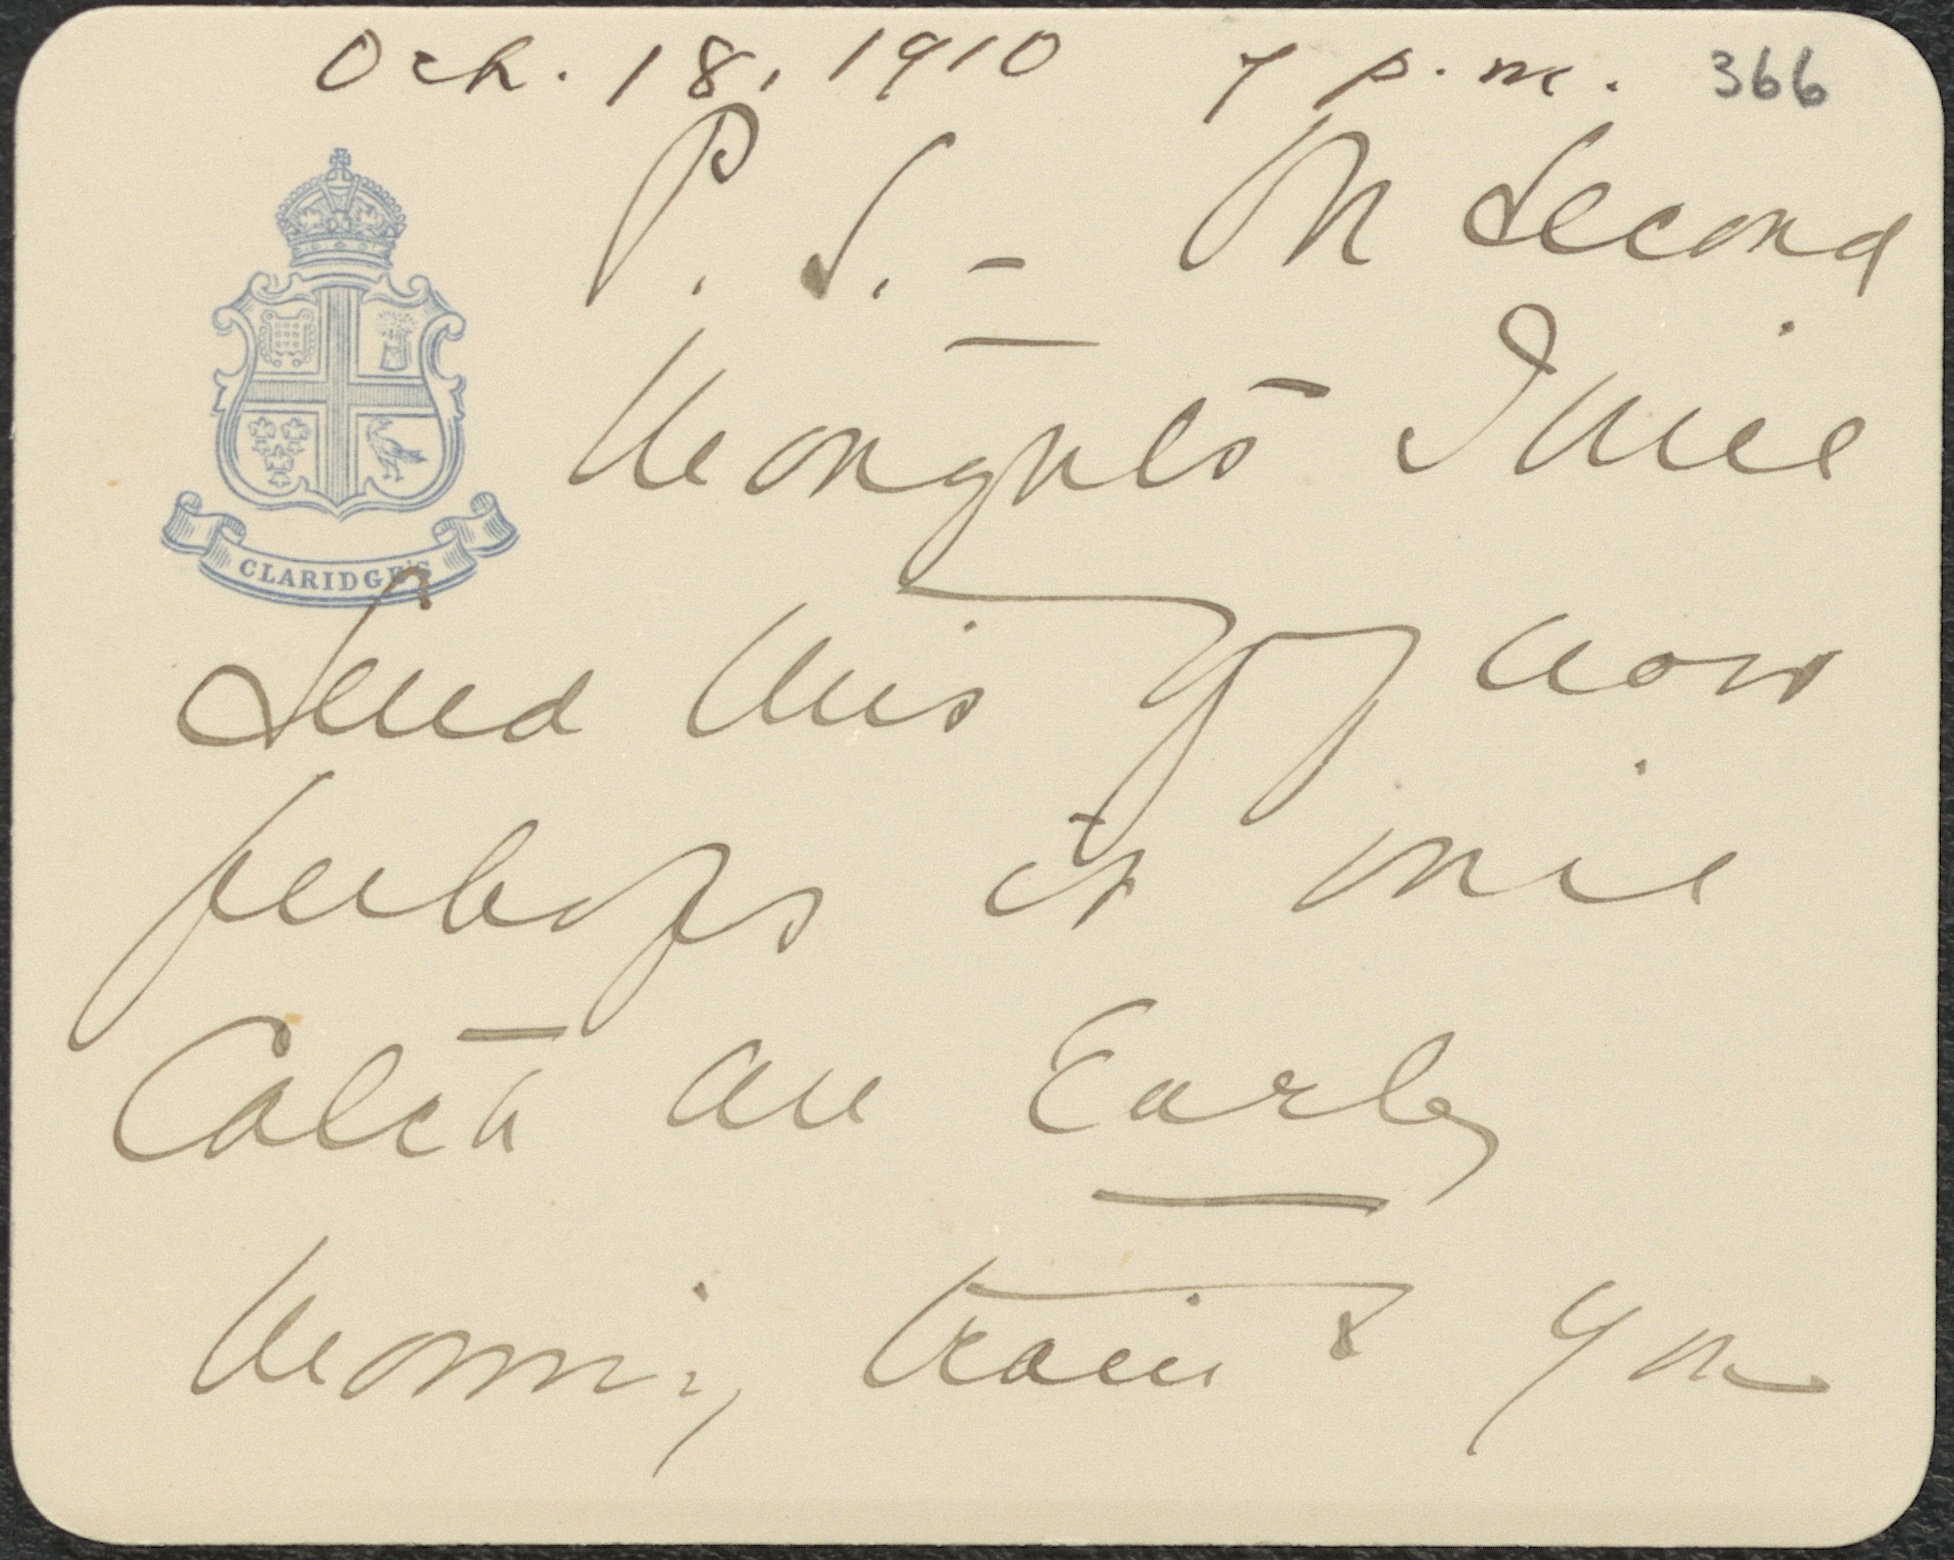P.S. – On second thoughts I will send this off now perhaps it will catch an early morning train so you